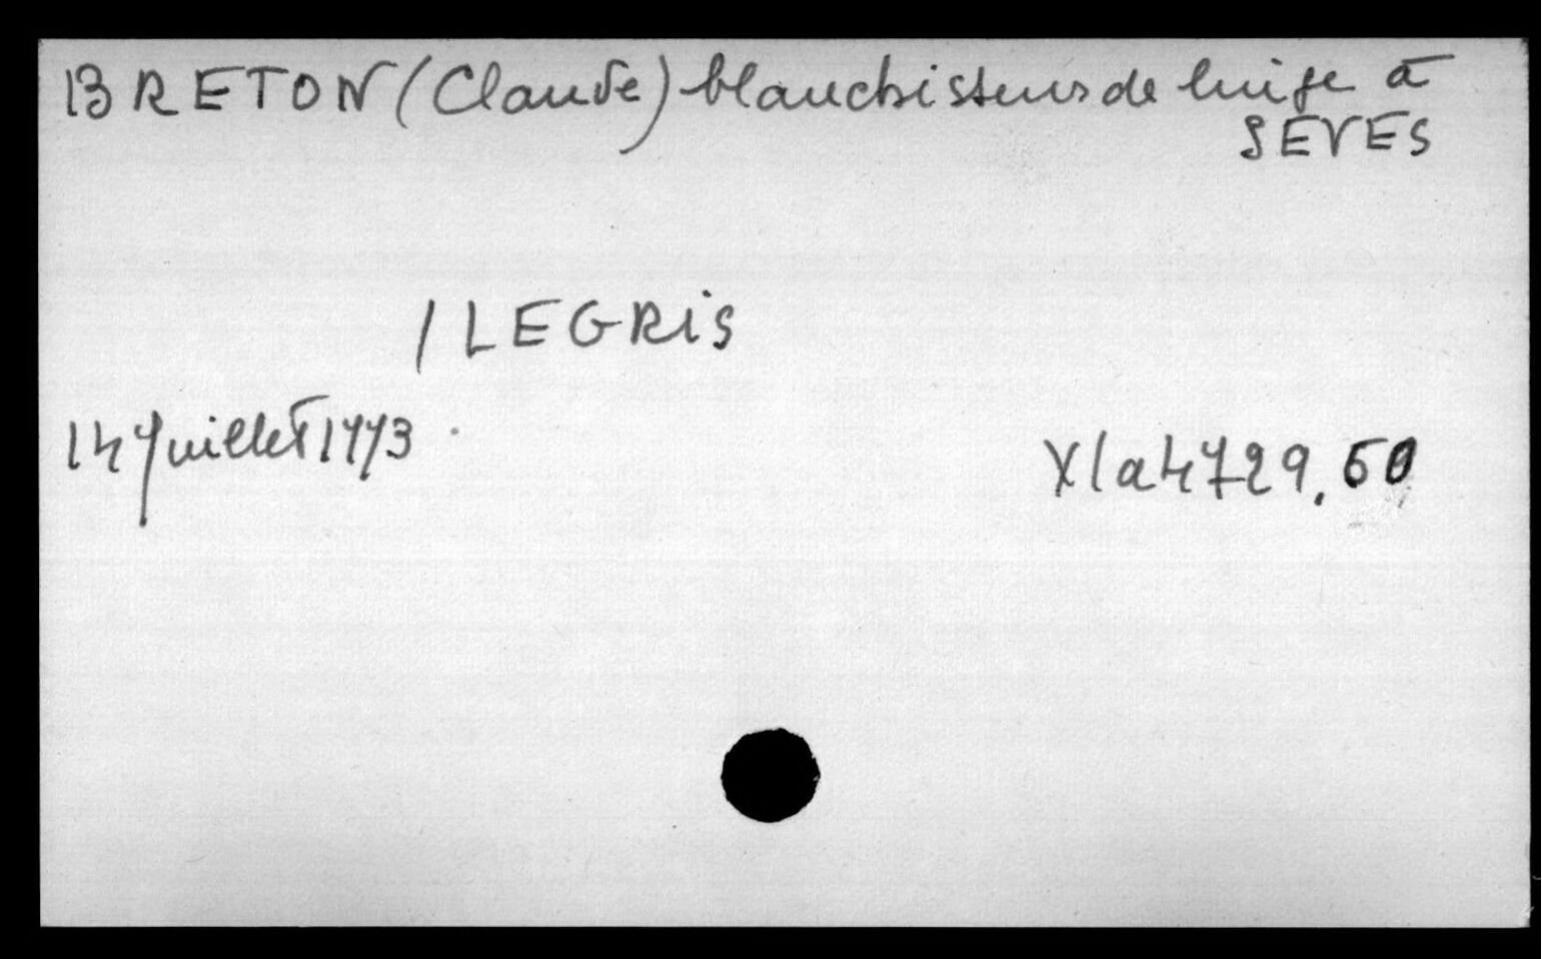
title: BRETON (Claude) blanchisseur de linge à SEVES
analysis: Contre LEGRIS
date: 14 juillet 1773
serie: X1a
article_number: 4729
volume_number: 60
